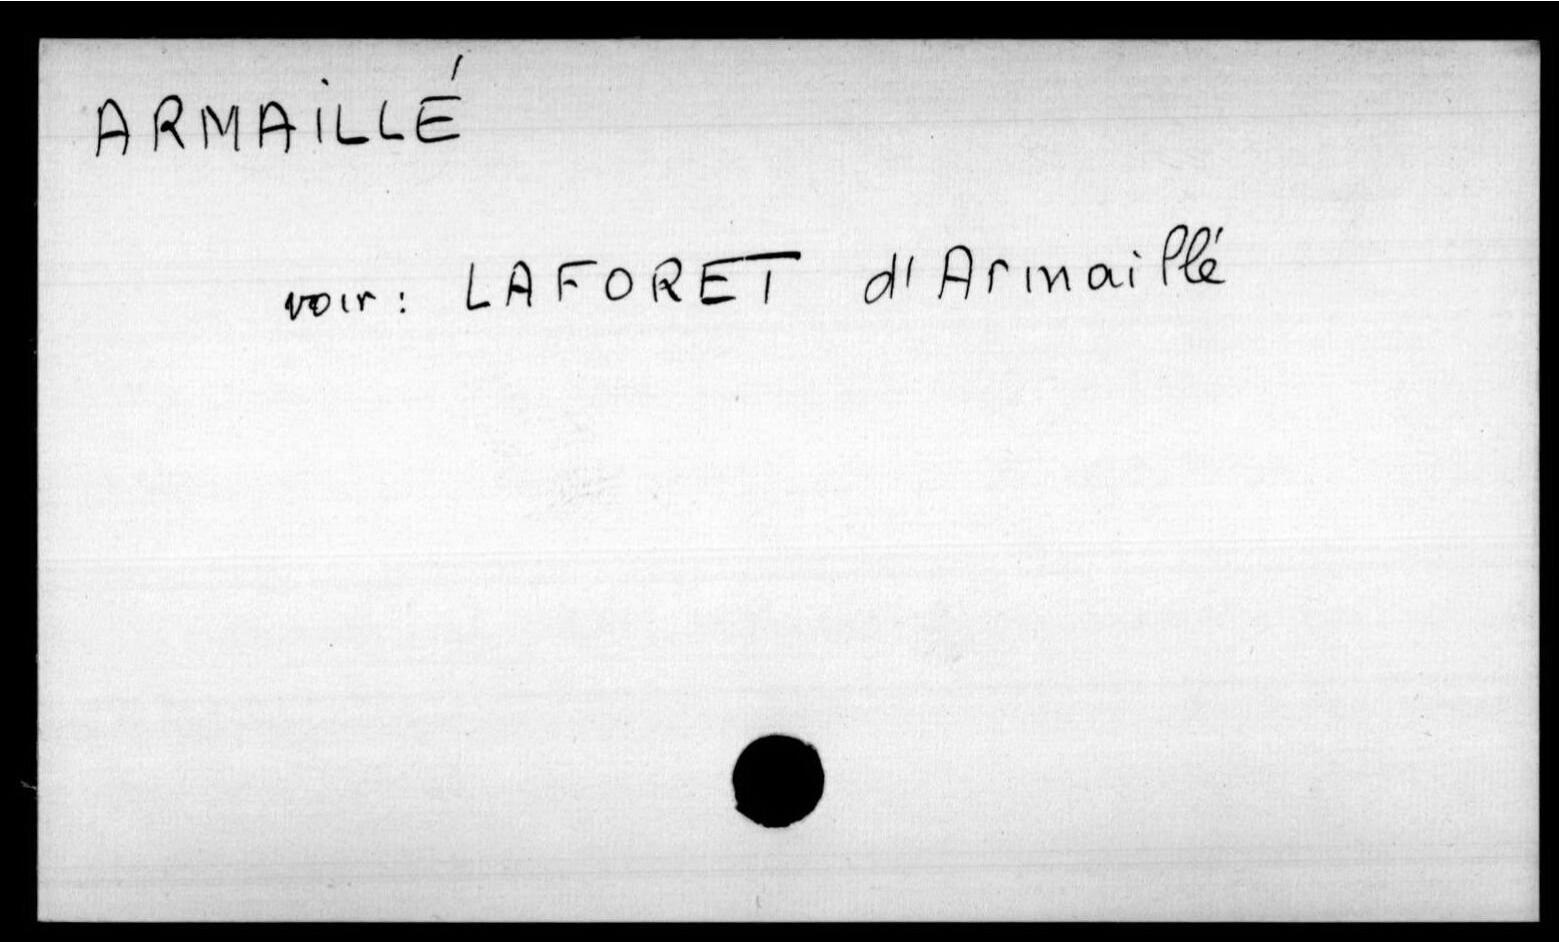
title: ARMAILLÉ
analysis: Voir : LAFORET d'Armaillé
